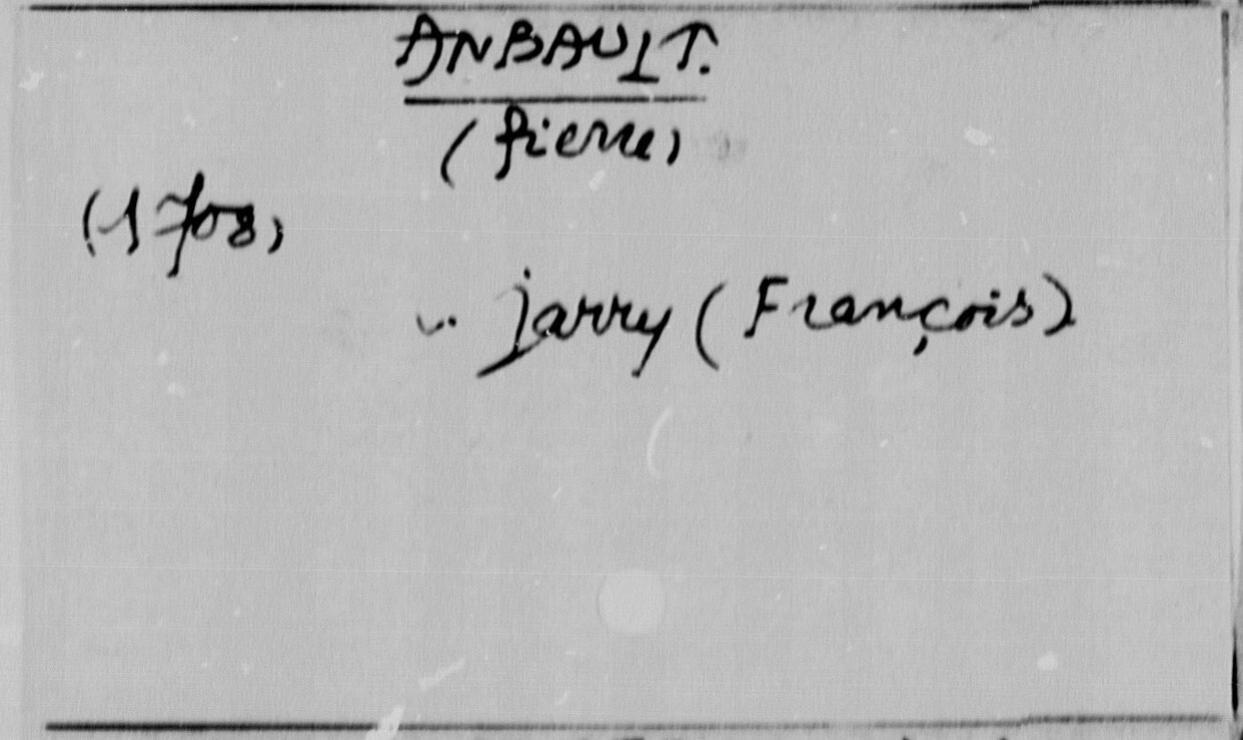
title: ANBAULT (Pierre)
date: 1708
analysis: Voir Jarry (François)
